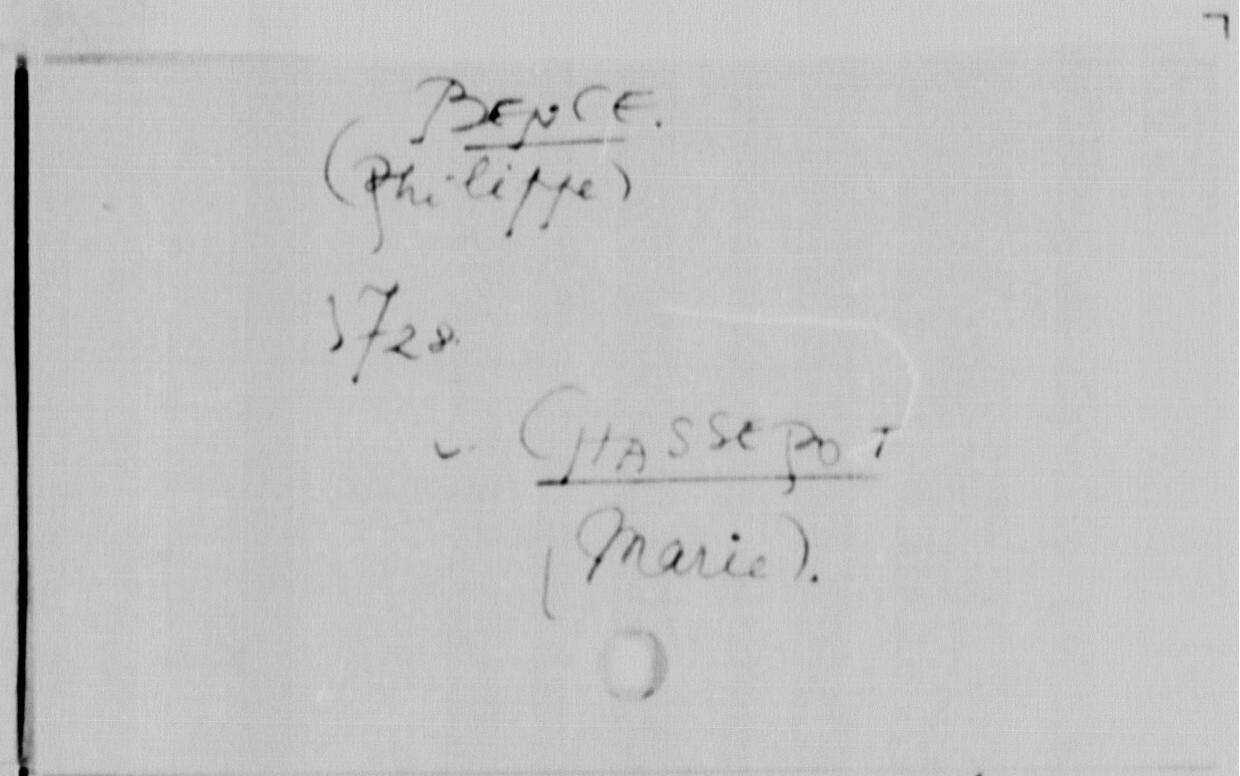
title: BENCE (Philippe)
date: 1728
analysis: Voir CHASSEPOT (Marie)
